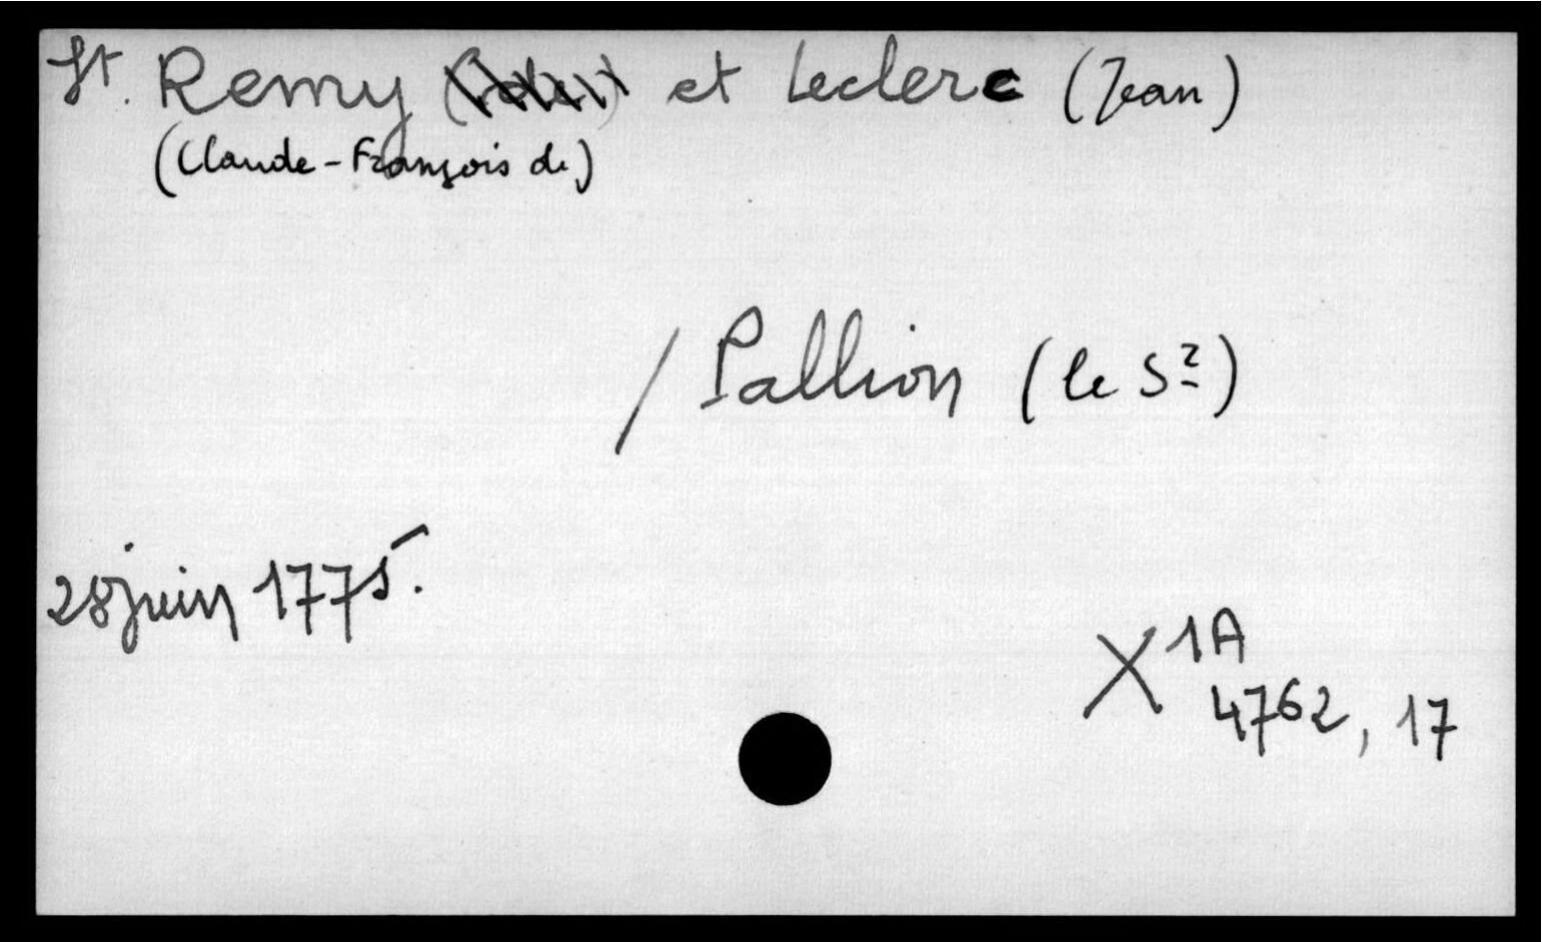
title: Saint Rémy (Claude-François de) et Leclerc (Jean)
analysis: Contre Pallion (le Sieur)
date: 28 juin 1775
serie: X1A
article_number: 4762
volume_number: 17
